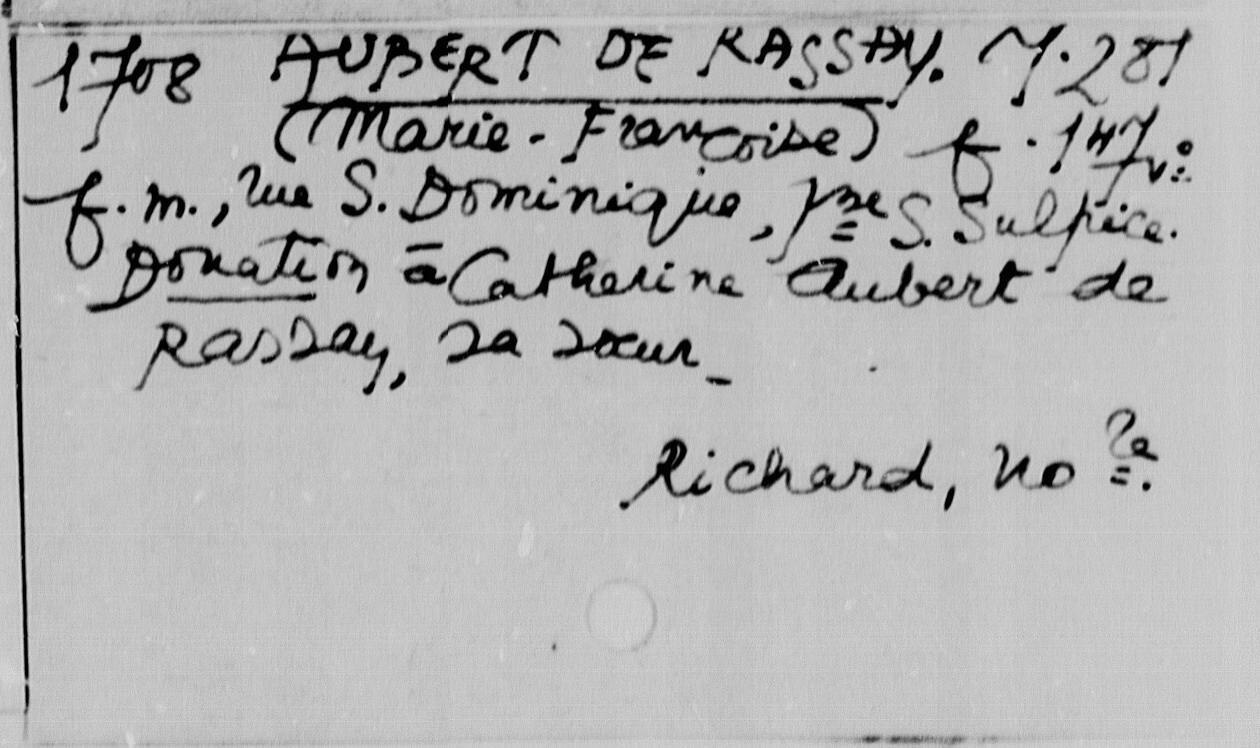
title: AUBERT de RASSAY (Marie-Françoise)
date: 1708
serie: Y
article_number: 281
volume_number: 147v
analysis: Fille majeure, rue Saint-Dominique, paroisse Saint-Sulpice. Donation à Catherine AUBERT DE RASSAY, sa sœur. Richard, notaire.
